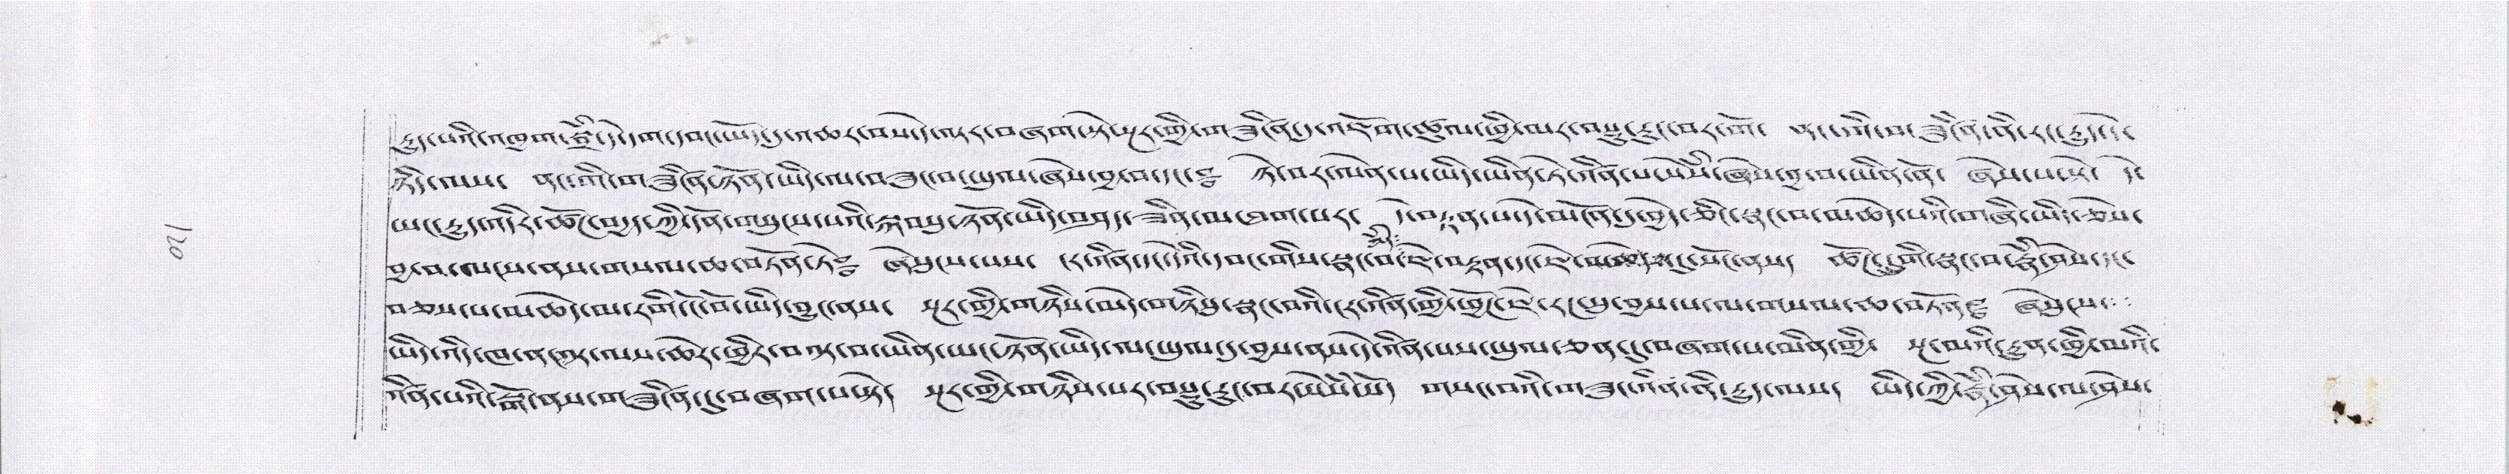རྒྱུད་པའི་འཁྱག་སྦྲམ་དེ་དག་དབང་ཡོད་དུ་འཆར་བས་དེ་ལྟར་བཞག་སྟེ་སྔར་གྱི་གཟུང་འཛིན་དུ་འཇོག་ཚུལ་ཕྱི་མར་བསྡུ་རུང་བར་གོ ནང་གི་གཟུང་འཛིན་ནི་རང་རྒྱུད་དེ་
ཉིད་ལས། ནང་གི་གཟུང་འཛིན་ཉོན་ཡིད་ལ་གཟུང་བ་ཡུལ་ཞེས་བྱ་བ་དང་། ཉེ་བར་ལེན་པ་ཡིད་ཡིན་ཏེ་འཛིན་པ་སེམས་ཞེས་བྱ་བ་ཡིན་ནོ། ཞེས་པ་སྟེ། དེ་
ཡང་རྒྱུད་འདིར་ཚོགས་བརྒྱད་ཀྱི་དོན་གསུངས་པའི་སྐབས་སུ་ཉོན་ཡིད་བཤད་ཟིན་མ་ཐག་པར། དེ་བརྟན་པ་དེ་མངོན་དུ་བྱེད་ཅིང་སྣང་བ་མཆེད་པའི་གཞི་ཡིད་ཅེས་
བྱ་བ་ལངས་ནས་གསལ་ཆ་བཏོན་ཏེཿ ཞེས་གསུངས་པས། ངར་འཛིན་དང་དེའི་དབང་གིས་སྣང་བ་ཐམས་ཅད་ཇེ་བརྟན་དང་ཇེ་མཆེད་དུ་སོང་ནས། ཚོགས་དྲུག་གི་སྣང་བ་རྣམ་ཤེས་དང་
བཅས་པ་མཆེད་མ་རིག་གི་ངོ་བོ་ཡིད་བྱུང་ནས། སྔར་གྱི་གཉིས་མེད་གཉིས་སུ་སྣང་བའི་ངར་འཛིན་གྱི་ཕྱོགས་ཇེ་རགས་སུ་བྱས་པ་ལ་གསལ་ཆ་བཏོནཿ ཞེས་གསུངས་
ཡིད་འདི་ཁ་ནང་ལྟ་ལས་ཆེར་ཕྱིར་བལྟ་བ་ཡིན་ཡང་ཉོན་ཡིད་ལ་ཡུལ་དུ་བྱས་ནས་དེ་འཛིན་པས་ཡུལ་ཅན་དུ་བཞག་པ་ཡིན་མིན་གྱི། སྔ་མའི་རྒྱུན་ཕྱི་མས་
འཛིན་པའི་སྒོ་ནས་གཟུང་འཛིན་དུ་བཞག་པ་སྟེ། སྔར་གྱི་གཉིས་པར་བསྡུ་རུང་བར་སེམས་སོ། གསང་བའི་གཟུང་འཛིན་ནི་རྒྱུད་ལས། ཡིད་ཀྱི་རྣམ་ཤེས་ལ་ཤེས་